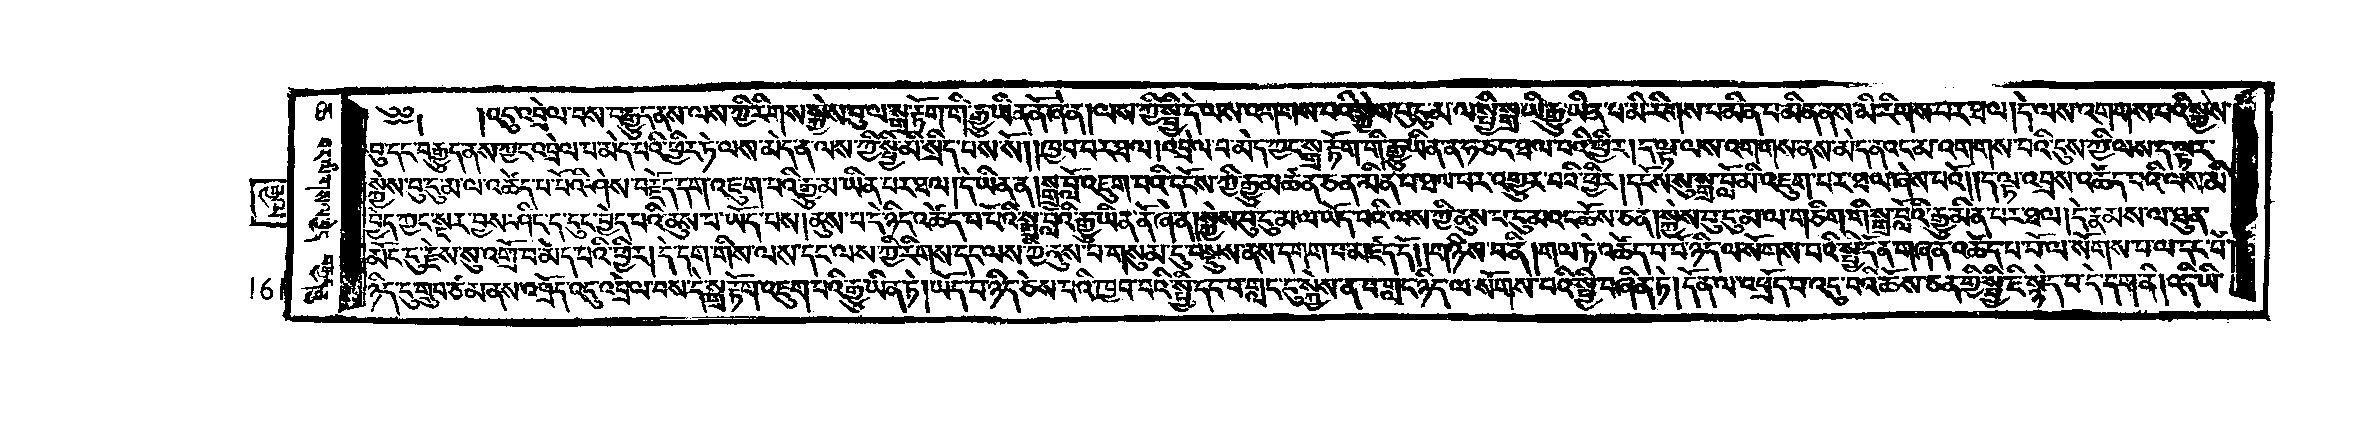༄༅། །འདུ་འབྲེལ་བས་བརྒྱུད་ནས་ལས་ཀྱི་རིགས་སྐྱེས་བུ་ལ་སྒྲ་རྟོག་གི་རྒྱུ་ཡིན་ནོ་ཞེ་ན། ལས་ཀྱི་སྤྱི་དེ་ལས་འགགས་པའི་སྐྱེས་བུ་དུ་མ་ལ་སྤྱི་སྒྲ་ཡི་རྒྱུ་ཡིན་པ་མི་རིགས་པ་མིན་པ་མིན་ནས་མི་རིགས་པར་ཐལ། དེ་ལས་འགགས་པའི་སྐྱེས་
བུ་དང་བརྒྱུད་ནས་ཀྱང་འབྲེལ་པ་མེད་པའི་ཕྱིར་ཏེ་ལས་མེད་ན་ལས་ཀྱི་སྤྱི་མི་སྲིད་པས་སོ། །ཁྱབ་པར་ཐལ། འབྲེལ་བ་མེད་ཀྱང་སྒྲ་རྟོག་གི་རྒྱུ་ཡིན་ན་ཧ་ཅང་ཐལ་བའི་ཕྱིར། ད་ལྟ་ལས་འགགས་ནས་མེད་ནའང་མ་འགགས་པའི་དུས་ཀྱི་ལས་ད་ལྟར་
སྐྱེས་བུ་དུ་མ་ལ་འཚེད་པ་པོའི་ཤེས་བརྗོད་དག་འཇུག་པའི་རྒྱུ་མ་ཡིན་པར་ཐལ། དེ་ཡིན་ན། སྒྲ་བློ་འཇུག་པའི་དངོས་ཀྱི་རྒྱུ་མཚན་ཅན་མིན་པ་ཐལ་པར་འགྱུར་བའི་ཕྱིར། དངོས་སུ་སྒྲ་བློ་མི་འཇུག་པར་ཐལ་ཞེས་པའོ། །ད་ལྟ་འབྲས་འཚོད་པའི་ལས་མི་
བྱེད་ཀྱང་སྔར་བྱས་ཤིང་ད་དུང་བྱེད་པའི་ནུས་པ་ཡོད་པས། ནུས་པ་དེ་ཉིད་འཚེད་པ་པོའི་སྒྲ་བློའི་རྒྱུ་ཡིན་ནོ་ཞེ་ན། སྐྱེས་བུ་དུ་མ་ལ་ཡོད་པའི་ལས་ཀྱི་ནུས་པ་དུ་མའང་ཆོས་ཅན། སྐྱེས་བུ་དུ་མ་ལ་གཅིག་གི་སྒྲ་བློའི་རྒྱུ་མིན་པར་ཐལ། དེ་རྣམས་ལ་ཐུན་
མོང་དུ་རྗེས་སུ་འགྲོ་བ་མེད་པའི་ཕྱིར། དེ་དག་གིས་ལས་དང་ལས་ཀྱི་རིགས་དང་ལས་ཀྱི་ནུས་པ་གསུམ་དུ་བསྡུས་ནས་དགག་པ་མཛད་དོ། །གཉིས་པ་ནི། གལ་ཏེ་འཚེད་པ་པོ་ཉིད་ལ་སོགས་པའི་སྤྱི་དོན་གཞན་འཚེད་པ་པོ་ལ་སོགས་པ་ལ་དང་པོ་
ཉིད་དུ་གྲུབ་ཙམ་ནས་འཕྲོད་འདུ་འབྲེལ་བས་དེ་སྒྲ་རྟོག་འཇུག་པའི་རྒྱུ་ཡིན་ཏེ། ཡོད་པ་ཉིད་ཅེས་པའི་ཁྱབ་པའི་སྤྱི་དང་བ་གླང་དུ་སྐྱེས་ན་བ་གླང་ཉིད་ལ་སོགས་པའི་སྤྱི་བཞིན་ཏེ། དོན་ལ་འཕྲོད་པ་འདུ་བའི་ཆོས་ཅན་གྱི་སྤྱི་ཇི་སྙེད་པ་དེ་དག་ནི། འདི་ཡི་